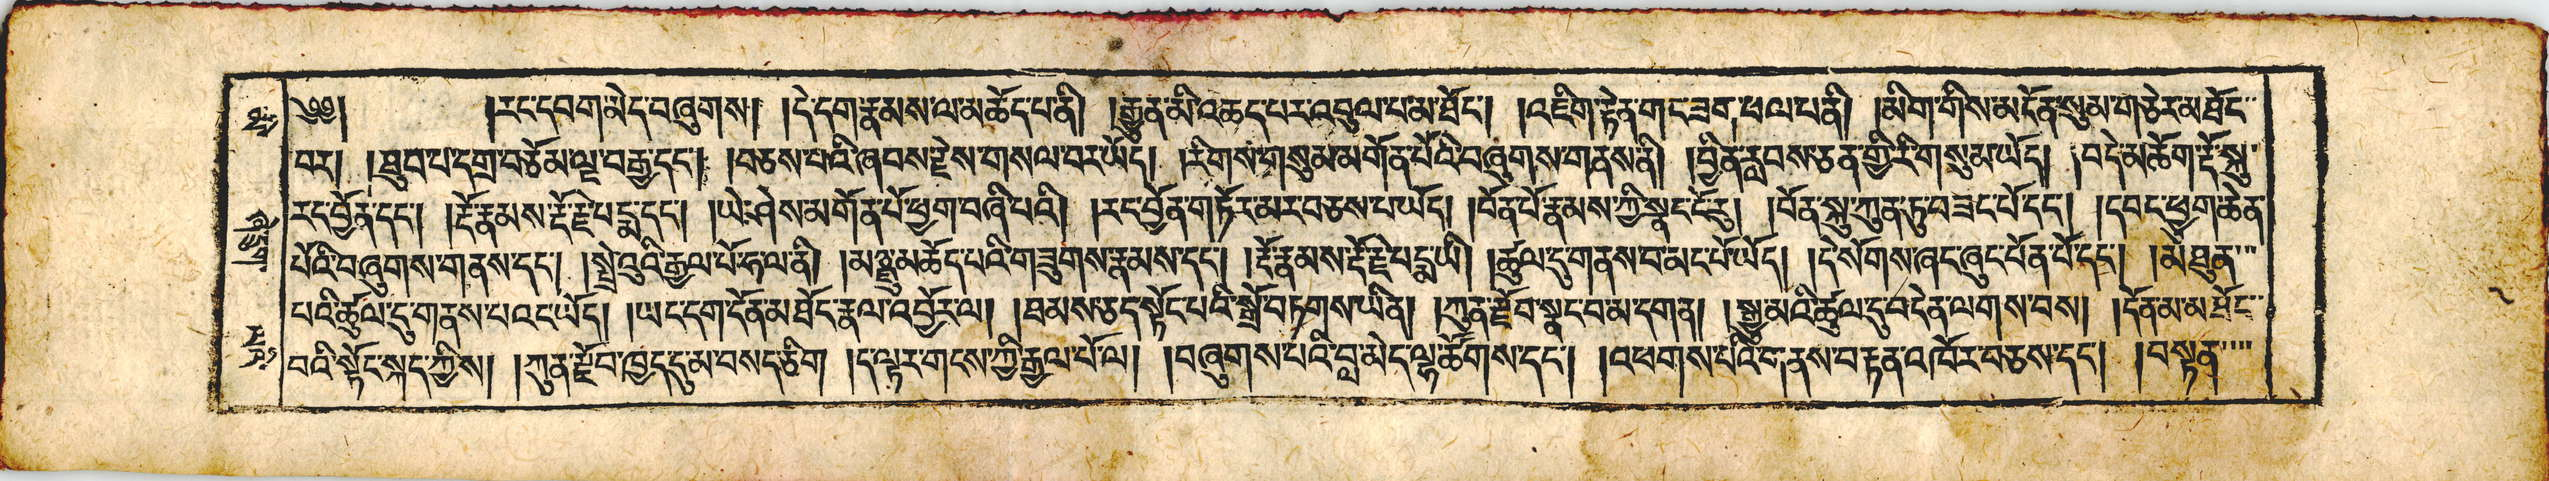རང་དཔག་མེད་བཞུགས། །དེ་དག་རྣམས་ལ་མཆོད་པ་ནི། །རྒྱུན་མི་འཆད་པར་འབུལ་པ་མཐོང་། །འཇིག་རྟེན་གང་ཟག་ཕལ་པ་ན། །མིག་གིས་མངོན་སུམ་གཅེར་མཐོང་
བར། །ཐུབ་པ་དགྲ་བཅོམ་ལྔ་བརྒྱ་དང་། །བཅས་པའི་ཞབས་རྗེས་གསལ་བར་ཡོད། །རིགས་གསུམ་མགོན་པོའི་བཞུགས་གནས་ནི། །བྱིན་རླབས་ཅན་གྱི་རི་གསུམ་ཡོད། །བདེ་མཆོག་རྡོ་སྐུ་
རང་བྱོན་དང་། །རྡོ་རྣམས་རྡོ་རྗེ་པདྨ་དང་། །ཡེ་ཤེས་མགོན་པོ་ཕྱག་བཞི་པའི། །རང་བྱོན་གཏོར་མར་བཅས་པ་ཡོད། །བོན་པོ་རྣམས་ཀྱི་སྣང་ངོ་རུ། །བོན་སྐུ་ཀུན་ཏུ་བཟང་པོ་དང་། །དབང་ཕྱུག་ཆེན་
པོའི་བཞུགས་གནས་དད་། །སྤྲེའུའི་རྒྱལ་པོ་ཧ་ལ་ནི། །མཉྫུ་མཆོད་པའི་གཟུགས་རྣམས་དང་། །རྡོ་རྣམས་རྡོ་རྗེ་པདྨ་ཡི། །ཚུལ་དུ་གནས་པ་མང་པོ་ཡོད། །དེ་སོགས་ཞང་ཞུང་བོན་པོ་དང་། །མཐུན་
པའི་ཚུལ་དུ་གནས་པའང་ཡོད། །ཡང་དག་དོན་མཐོང་རྣལ་འབྱོར་ལ། །ཐམས་ཅད་སྟོང་པའི་སྒྲོ་བཏགས་ཡིན། །ཀུན་རྫོབ་སྣང་བ་མ་དག་ན། །སྒྱུ་མའི་ཚུལ་དུ་བདེན་ལགས་པས། །དོན་མ་མཐོང་་
བའི་སྟོང་སྐད་ཀྱིས། །ཀུན་རྫོབ་ཁྱད་དུ་མ་བསད་ཅིག། །ད་ལྟར་གངས་ཀྱི་རྒྱལ་པོ་ལ། །བཞུགས་པའི་བླ་མེད་ལྷ་ཚོགས་དང་། །འཕགས་པའི་གནས་བརྟན་འཁོར་བཅས་དང། །བསྟན་